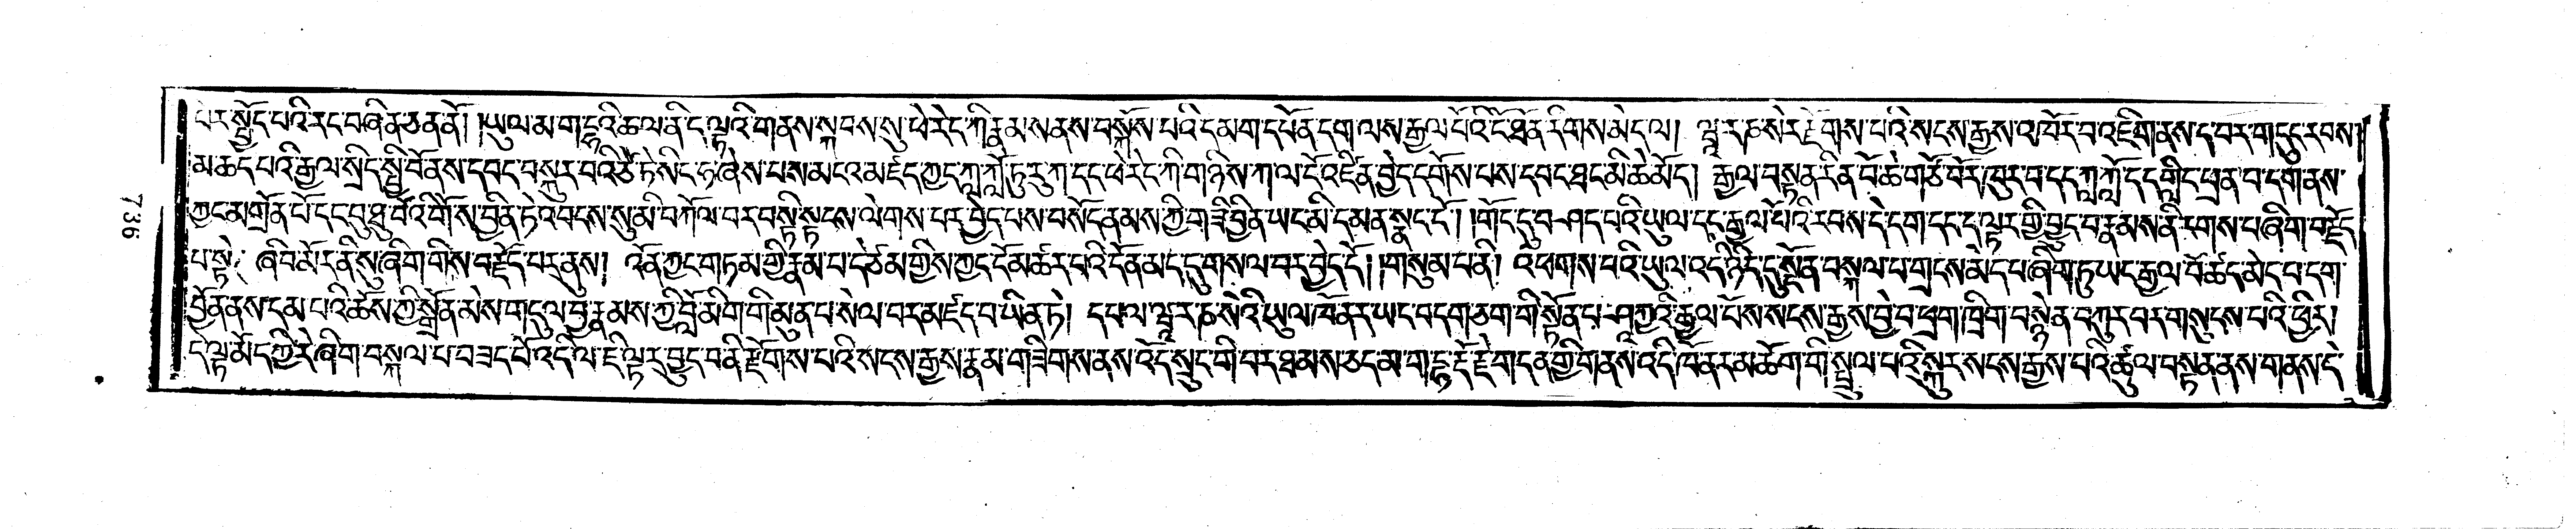པེར་སྤྱོད་པའི་རང་བཞིན་ཅན་ནོ། །ཡུལ་མ་ག་དྷའི་ཆ་ལ་ནི་ད་ལྟའི་གནས་སྐབས་སུ་ཕེ་རེད་ཀི་རྣམས་ནས་བསྐོས་པའི་དམག་དཔོན་དག་ལས་རྒྱལ་པོའི་ངོ་ཐོན་རིགས་མེད་ལ། ཝཱ་ར་ཎ་སེར་རྫོགས་པའི་སངས་རྒྱས་འཁོར་བ་འཇིག་ནས་ད་བར་གདུད་རབས་
མ་ཆད་པའི་རྒྱལ་སྲིད་སྤྱི་བོ་ནས་དབང་བསྐུར་བའི་ཙེ་ཏེ་སིང་ཧ་ཞེས་པས་མངའ་མཛད་ཀྱང་ཀླ་ཀློ་ཏུ་རུ་ཀ་དང་ཕེ་རེང་ཀི་གཉིས་ཀ་ལ་ངོ་འཛིན་བྱེད་དགོས་པས་དབང་ཐང་མི་ཆེ་མོད། རྒྱལ་བསྟན་རིན་པོ་ཆེ་གཙོ་བོར་ཁུར་བ་དང་ཀླ་ཀློ་དང་གླིང་ཕྲན་བ་དག་ནས་
ཀྱང་མགྲོན་པོ་དང་བུ་ཐུ་བོའི་གོ་ས་བྱིན་ཏེ་འབངས་སུ་མི་བཀོལ་བར་བསྟི་སྟངས་ལེགས་པར་བྱེད་པས་བསོད་ནམས་ཀྱི་གཟི་བྱིན་ཡང་མི་དམན་སྣང་ངོ། །གོང་དུ་བཤད་པའི་ཡུལ་དང་རྒྱལ་པོའི་རབས་དེ་དག་དང་ད་ལྟར་གྱི་བྱུང་བ་རྣམས་ནི་རགས་པ་ཞིག་བརྗོད་
པ་སྟེ༑ ཞིབ་མོར་ནི་སུ་ཞིག་གིས་བརྗོད་པར་ནུས། འོན་ཀྱང་གཏམ་གྱི་རྣམ་པ་དེ་ཙམ་གྱིས་ཀྱང་ངོ་མཚར་པའི་དོན་མད་དུ་གསལ་བར་བྱེད་དོ། །གསུམ་པ་ནི། འཕགས་པའི་ཡུལ་འདི་ཉིད་དུ་སྔོན་བསྐལ་པ་གྲངས་མེད་པ་ཞིག་ཏུ་ཡང་རྒྱལ་བོ་ཚད་མེད་པ་དག་
བྱོན་ནས་དམ་པའི་ཆོས་ཀྱི་སྒྲོན་མེས་གདུལ་བྱ་རྣམས་ཀྱི་བློ་མིག་གི་མུན་པ་སེལ་བར་མཛད་པ་ཡིན་ཏེ། དཔལ་ཝཱ་ར་ཎ་སེའི་ཡུལ་ཁོ་ནར་ཡང་བདག་ཅག་གི་སྟོན་པ་ཤཱཀྱའི་རྒྱལ་པོས་སངས་རྒྱས་བྱེ་བ་ཕྲག་ཁྲིག་བསྙེན་བཀུར་བར་གསུངས་པའི་ཕྱིར།
དེ་ལྟ་མོད་ཀྱི་རེ་ཞིག་བསྐལ་པ་བཟང་པོ་འདི་ལ་ཇི་ལྟར་བྱུང་བ་ནི་རྫོགས་པའི་སངས་རྒྱས་རྣམ་གཟིགས་ནས་འོད་སྲུང་གི་བར་ཐམས་ཅད་མ་ག་དྷ་རྡོ་རྗེ་གདན་གྱི་གནས་འདི་ཁོ་ནར་མཆོག་གི་སྤྲུལ་པའི་སྐུར་སངས་རྒྱས་པའི་ཚུལ་བསྟན་ནས་གནས་དེ་